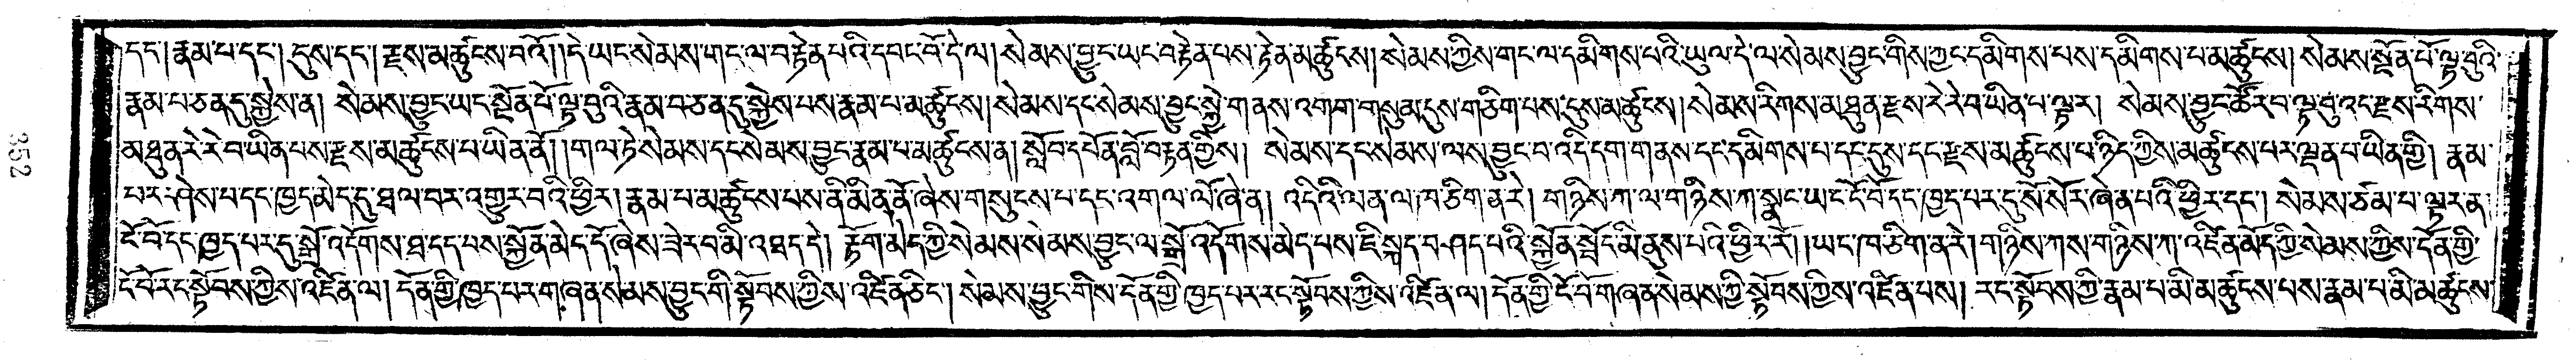དང་། རྣམ་པ་དང་། དུས་དང་། རྫས་མཚུངས་པའོ། །དེ་ཡང་སེམས་གང་ལ་བརྟེན་པའི་དབང་པོ་དེ་ལ། སེམས་བྱུང་ཡང་བརྟེན་པས་རྟེན་མཚུངས། སེམས་ཀྱིས་གང་ལ་དམིགས་པའི་ཡུལ་དེ་ལ་སེམས་བྱུང་གིས་ཀྱང་དམིགས་པས་དམིགས་པ་མཚུངས། སེམས་སྔོན་པོ་ལྟ་བུའི་
རྣམ་པ་ཅན་དུ་སྐྱེས་ན། སེམས་བྱུང་ཡང་སྔོན་པོ་ལྟ་བུའི་རྣམ་པ་ཅན་དུ་སྐྱེས་པས་རྣམ་པ་མཚུངས། སེམས་དང་སེམས་བྱུང་སྐྱེ་གནས་འགག་གསུམ་དུས་གཅིག་པས་དུས་མཚུངས། སེམས་རིགས་མཐུན་རྫས་རེ་རེ་བ་ཡིན་པ་ལྟར། སེམས་བྱུང་ཚོར་བ་ལྟ་བུའང་རྫས་རིགས་
མཐུན་རེ་རེ་བ་ཡིན་པས་རྫས་མཚུངས་པ་ཡིན་ནོ། །གལ་ཏེ་སེམས་དང་སེམས་བྱུང་རྣམ་པ་མཚུངས་ན། སློབ་དཔོན་བློ་བརྟན་གྱིས། སེམས་དང་སེམས་ལས་བྱུང་བ་འདི་དག་གནས་དང་དམིགས་པ་དང་དུས་དང་རྫས་མཚུངས་པ་ཉིད་ཀྱིས་མཚུངས་པར་ལྡན་པ་ཡིན་གྱི། རྣམ་
པར་ཤེས་པ་དང་ཁྱད་མེད་དུ་ཐལ་བར་འགྱུར་བའི་ཕྱིར། རྣམ་པ་མཚུངས་པས་ནི་མིན་ནོ་ཞེས་གསུངས་པ་དང་འགལ་ལོ་ཞེ་ན། འདིའི་ལན་ལ་ཁ་ཅིག་ན་རེ། གཉིས་ཀ་ལ་གཉིས་ཀ་སྣང་ཡང་ངོ་བོ་དང་ཁྱད་པར་དུ་སོ་སོར་ཞེན་པའི་ཕྱིར་དང་། སེམས་ཙམ་པ་ལྟར་ན།
ངོ་བོ་དང་ཁྱད་པར་དུ་སྒྲོ་འདོགས་ཐ་དད་པས་སྐྱོན་མེད་དོ་ཞེས་ཟེར་བ་མི་འཐད་དེ། རྟོག་མེད་ཀྱི་སེམས་སེམས་བྱུང་ལ་སྒྲོ་འདོགས་མེད་པས་ཇི་སྐད་བཤད་པའི་སྐྱོན་སྤོང་མི་ནུས་པའི་ཕྱིར་རོ། །ཡང་ཁ་ཅིག་ན་རེ། གཉིས་ཀས་གཉིས་ཀ་འཛིན་མོད་ཀྱི་སེམས་ཀྱིས་དོན་གྱི་
ངོ་བོ་རང་སྟོབས་ཀྱིས་འཛིན་ལ། དོན་གྱི་ཁྱད་པར་གཞན་སེམས་བྱུང་གི་སྟོབས་ཀྱིས་འཛིན་ཅིང་། སེམས་བྱུང་གིས་དོན་གྱི་ཁྱད་པར་རང་སྟོབས་ཀྱིས་འཛིན་ལ། དོན་གྱི་ངོ་བོ་གཞན་སེམས་ཀྱི་སྟོབས་ཀྱིས་འཛིན་པས། རང་སྟོབས་ཀྱི་རྣམ་པ་མི་མཚུངས་པས་རྣམ་པ་མི་མཚུངས་